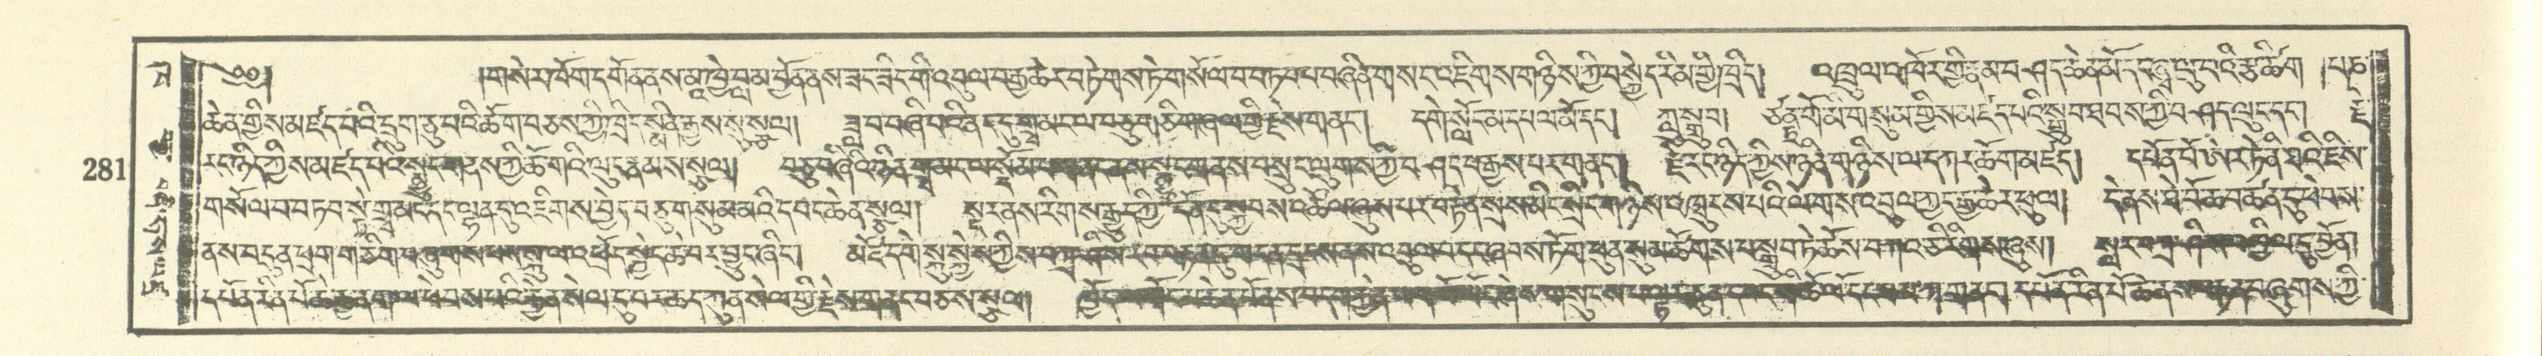༄༅། །གསེར་ཁོག་དགོན་ནས་མཱ་ཁྱེ་བླ་མ་བྱོན་ནས་ཟང་ཟིང་གི་འབུལ་བརྒྱ་ཆེར་བཏེགས་ཏེ་གསོལ་བ་བཏབ་པ་བཞིན་གསང་འཇིགས་གཉིས་ཀྱི་བསྐྱེད་རིམ་གྱི་ཁྲིད། འཁྲུལ་འཁོར་གྱི་རྣམ་བཤད་ཆེན་མོ་དང་ཞྭ་ལུ་བའི་རྩ་ཚིག །པཎ་
ཆེན་གྱིས་མཛད་པའི་དྲུག་ཅུ་པའི་ཆོ་ག་བཅས་ཀྱི་ཁྲིད་སྨིན་རྒྱས་སུ་སྩལ། ཟླ་བ་བཞི་པའི་ནང་དུ་གྲྭ་མང་ལ་བཅུ་གཅིག་ཞལ་གྱི་རྗེས་གནང་། དགེ་སློང་མ་དཔལ་མོ་དང་། ཀླུ་སྒྲུབ། ཙནྟྲ་གོ་མི་གསུམ་གྱིས་མཛད་པའི་སྒྲུབ་ཐབས་ཀྱི་བཤད་ལུང་དང་། རྗེ་
རང་ཉིད་ཀྱིས་མཛད་པའི་སྨྱུང་གནས་ཀྱི་ཆོ་གའི་ལུང་རྣམས་སྩལ། བཅུ་བཞིའི་ཉིན་གྲྭ་མང་ལ་སྡོམ་པ་གནང་ནས་སྨྱུང་གནས་བསྲུང་ལུགས་ཀྱི་བཤད་པ་རྒྱས་པར་གནང་། རྗེ་རང་ཉིད་ཀྱིས་ཉིན་གཉིས་ལ་དཀར་ཆོག་མཛད། དཔོན་པོ་ཨེར་ཏེ་ནི་ཐའི་ཇིས་
གསོལ་བ་བཏབ་སྟེ་གྲྭ་མང་དང་ལྷན་དུ་འཇིགས་བྱེད་བཅུ་གསུམ་མའི་དབང་ཆེན་སྩལ། སྔར་ནས་རིགས་རྒྱུད་ཀྱི་དོན་དུ་སྐྱབས་འཚོལ་ཞུས་པར་བརྟེན་སྲས་མིང་སྲིང་གཉིས་འཁྲུངས་པའི་ལེགས་འབུལ་ཀྱང་རྒྱ་ཆེར་ཕུལ། དེ་ནས་ཐེ་བོ་ཆབ་ཚན་དུ་ཕེབས་
ནས་བདུན་ཕྲག་གཅིག་བཞུགས་པས་སྐུ་ལ་འཕྲོད་སྐྱེད་ཆེ་བར་བྱུང་ཞིང་། མཛོ་དགེ་སྐུ་སྐྱེས་ཀྱིས་བཀྲ་ཤིས་རབ་བརྟན་དུ་གདན་དྲངས་ནས་འབུལ་བ་དང་ཞབས་ཏོག་ཕུན་སུམ་ཚོགས་བ་སྒྲུབ་ཏེ་ཆོས་བཀའ་ཅི་རིགས་ཞུས། སླར་བཀྲ་ཤིས་འཁྱིལ་དུ་བྱོན།
དཔོན་རིན་པོ་ཆེ་རྒྱ་ནག་ལ་ཕེབས་པའི་རྐྱེན་སེལ་དུ་བར་ཆད་ཀུན་སེལ་གྱི་རྗེས་གནང་བཅས་སྩལ། ཁྱོད་ལ་གོང་མ་ཆེན་པོ་ནས་བདག་རྐྱེན་ཡག་པོ་ཡོང་ཞེས་གསུངས་པ་ལྟར་ཅུན་དབང་གི་ཆོ་ལོ་དང་ཐམ་ཀ་གནང་། དཔོན་རིན་པོ་ཆེ་ནས་བརྟན་བཞུགས་ཀྱི་